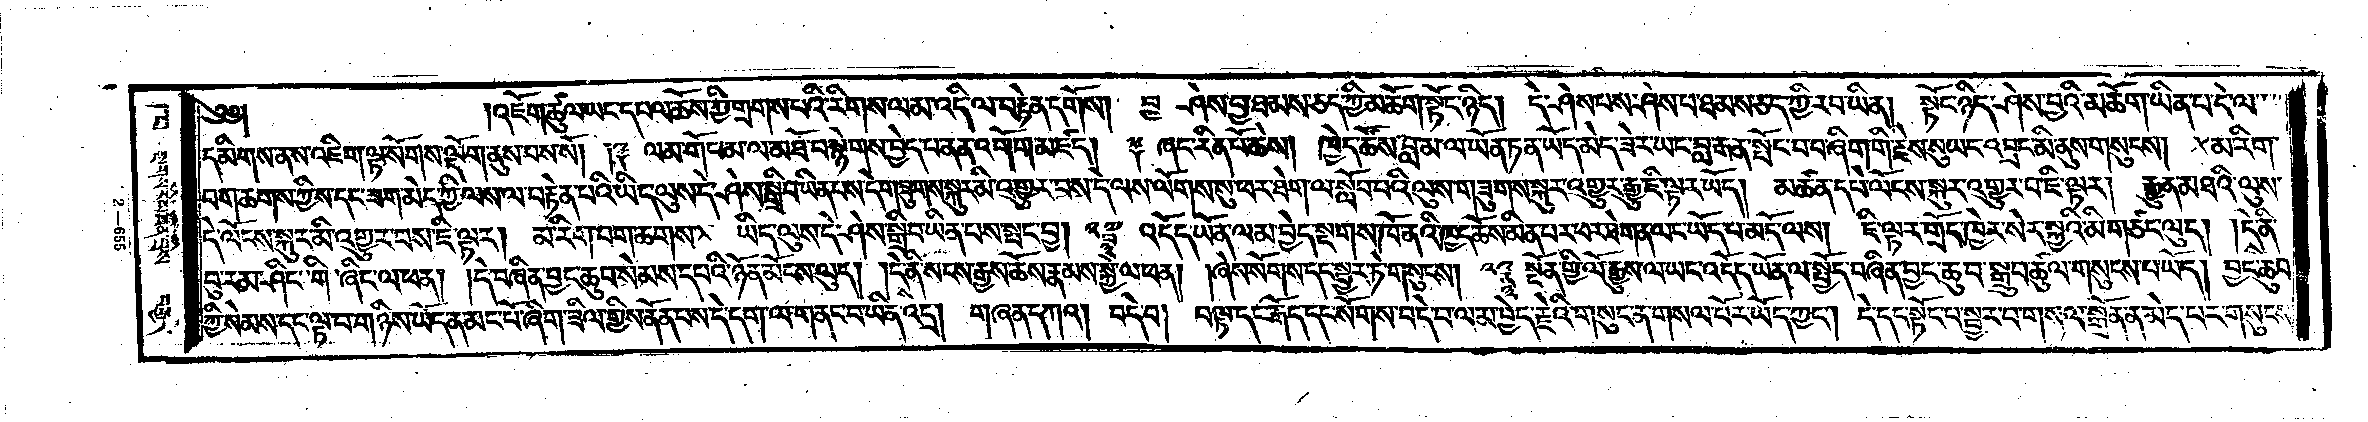༄༅། །འཇོག་ཚུལ་ཡང་དཔལ་ཆོས་ཀྱི་གྲགས་པའི་རིགས་ལམ་འདི་ལ་བརྟེན་དགོས། བ༤་ཤེས་བྱ་ཐམས་ཅད་ཀྱི་མཆོག་སྟོང་ཉིད། དེ་ཤེས་པས་ཤེས་པ་ཐམས་ཅད་ཀྱི་རབ་ཡིན། སྟོང་ཉིད་ཤེས་བྱའི་མཆོག་ཡིན་པ་དེ་ལ་
དམིགས་ནས་འཇིག་ལྟ་སོགས་ལྡོག་ནུས་པས་སོ། །༈ ལམ་གོང་མ་ལ་མཐོ་བསྙེགས་བྱེད་པ་ནན་འགོག་མཛད། ༈ ཞང་རིན་པོ་ཆེས། ཁྱེད་ཚོས་བླ་མ་ལ་ཡོན་ཏན་ཡོད་མེད་ཟེར་ཡང་བླ་རྒན་སྤོང་པ་བ་ཞིག་གི་རྗེས་སུ་ཡང་འབྲང་མི་ནུས་གསུངས། ྾་མ་རིག་
བག་ཆགས་ཀྱིས་དང་ཟག་མེད་ཀྱི་ལས་ལ་བརྟེན་པའི་ཡིད་ལུས་དེ་ཤེས་སྒྲིབ་ཡིན་པས་དེ་གཟུགས་སྐུར་མི་འགྱུར་བས་དེ་ལས་ལོགས་སུ་ཕར་ཐེག་ལ་སློབ་པའི་ལུས་གཟུགས་སྐུར་འགྱུར་རྒྱུ་ཇི་ལྟར་ཡོད། མཚན་དཔེ་ལོངས་སྐུར་འགྱུར་བ་ཇི་ལྟར། རྒྱུན་མཐའི་ལུས་
དེ་ལོངས་སྐུར་མི་འགྱུར་བས་ཇི་ལྟར། མ་རིག་བག་ཆགས་྾་ཡིད་ལུས་དེ་ཤེས་སྒྲིབ་ཡིན་པས་སྤང་བྱ། ༢༧བ༣་འདོད་ཡོན་ལམ་བྱེད་སྔགས་ཁོ་ནའི་ཁྱད་ཆོས་མིན་པར་ཕར་ཐེག་ན་ཡང་ཡོད་པ་མདོ་ལས། ཇི་ལྟར་གྲོང་ཁྱེར་སེར་སྐྱའི་མི་གཙང་ལུང་། །དེས་ནི་
བུ་རམ་ཤིང་གི་ཞིང་ལ་ཕན། །དེ་བཞིན་བྱང་ཆུབ་སེམས་དཔའི་ཉོན་མོངས་ལུད། །དེས་ནི་སངས་རྒྱས་ཆོས་རྣམས་སྐྱེ་ལ་ཕན། །ཞེས་སོགས་དང་སྦྱར་ཏེ་གསུངས། ༢༩ན༣་སྔོན་གྱི་ལོ་རྒྱུས་ལ་ཡང་འདོད་ཡོན་ལ་སྤྱོད་བཞིན་བྱང་ཆུབ་སྒྲུབ་ཚུལ་གསུངས་པ་ཡོད། བྱང་ཆུབ་
ཀྱི་སེམས་དང་ལྟ་བ་གཉིས་ཡོད་ན་མང་པོ་ཞིག་ཟིལ་གྱིས་ནོན་པས་དེ་དག་ལ་གནང་བ་ཡིན་འདྲ། གཞན་དཀའ། བདེ་བ། བལྟ་དང་རྒོད་དང་སོགས་བདེ་བ་ལམ་བྱེད་རྗེའི་གསུང་ན་གསལ་པོར་ཡོད་ཀྱང་། དེ་དང་སྟོང་པ་སྦྱར་བ་གསལ་སྒྲོན་ན་མེད་པར་གསུངས་